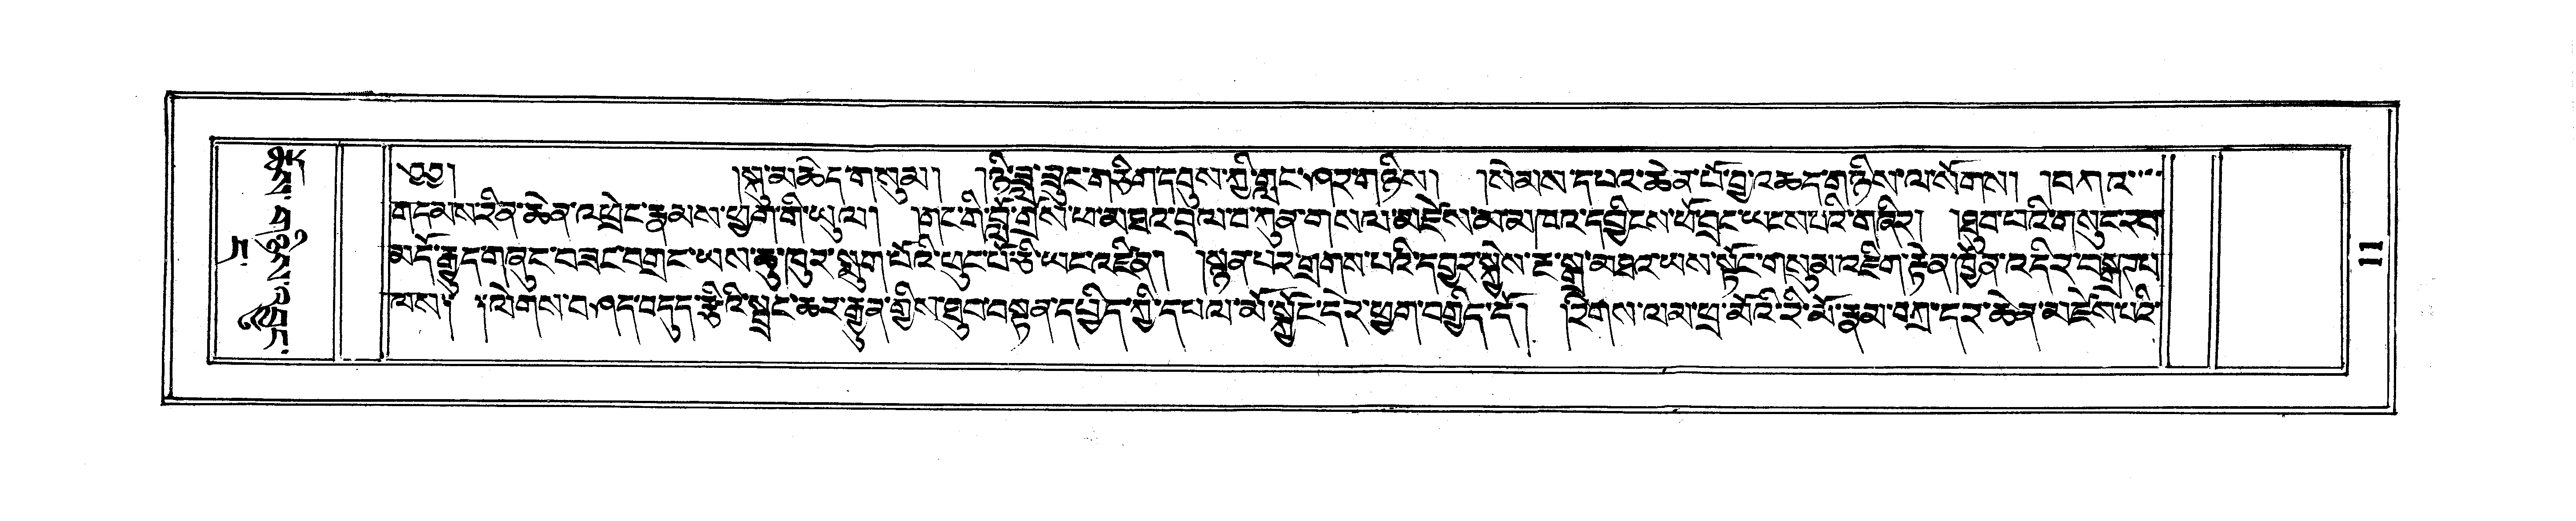༄༅། །སྐུ་མཆེད་གསུམ། །ཉི་ཟླ་ཟུང་གཅིག་དབུས་ཀྱི་གླང་ཤར་གཉིས། །སེམས་དཔའ་ཆེན་པོ་བྱ་འཆད་གཉིས་ལ་སོགས། །བཀའ་
གདམས་རིན་ཆེན་འཕྲེང་རྣམས་ཕྱག་གི་ཡུལ། །གང་གི་བློ་གྲོས་ཕ་མཐའ་བྲལ་བ་ཀུན་གསལ་མཛེས་མ་མཁའ་དབྱིངས་ཕོ་བྲང་ཡངས་པའི་གཞིར། །ཐུབ་པའི་གསུང་རབ་
མདོ་རྒྱུད་གཞུང་བཟང་བགྲང་ཡས་ཆུ་ཁུར་སྨུག་པོའི་ཕུང་པོ་ཅི་ཡང་འཛིན། །སྙན་པར་གྲགས་པའི་དབྱར་སྐྱེས་རྔ་སྒྲ་མཐའ་ཡས་སྟོང་གསུམ་འཇིག་རྟེན་ཁྱོན་འདིར་བསྒྲཌ་པ་
ལས༑ ༑ལེགས་བཤད་བདུད་རྩིའི་སྦྲང་ཆར་རྒྱུན་གྱིས་ཐུབ་བསྟན་དཔྱིད་ཀྱི་དཔལ་མོ་སྐྱོང་དེར་ཕྱག་བགྱིད་དོ། །རིགས་ལམ་ཕྲ་མོའི་རི་མོ་རྣམ་བཀྲ་དར་ཆེན་མཛེས་པའི་